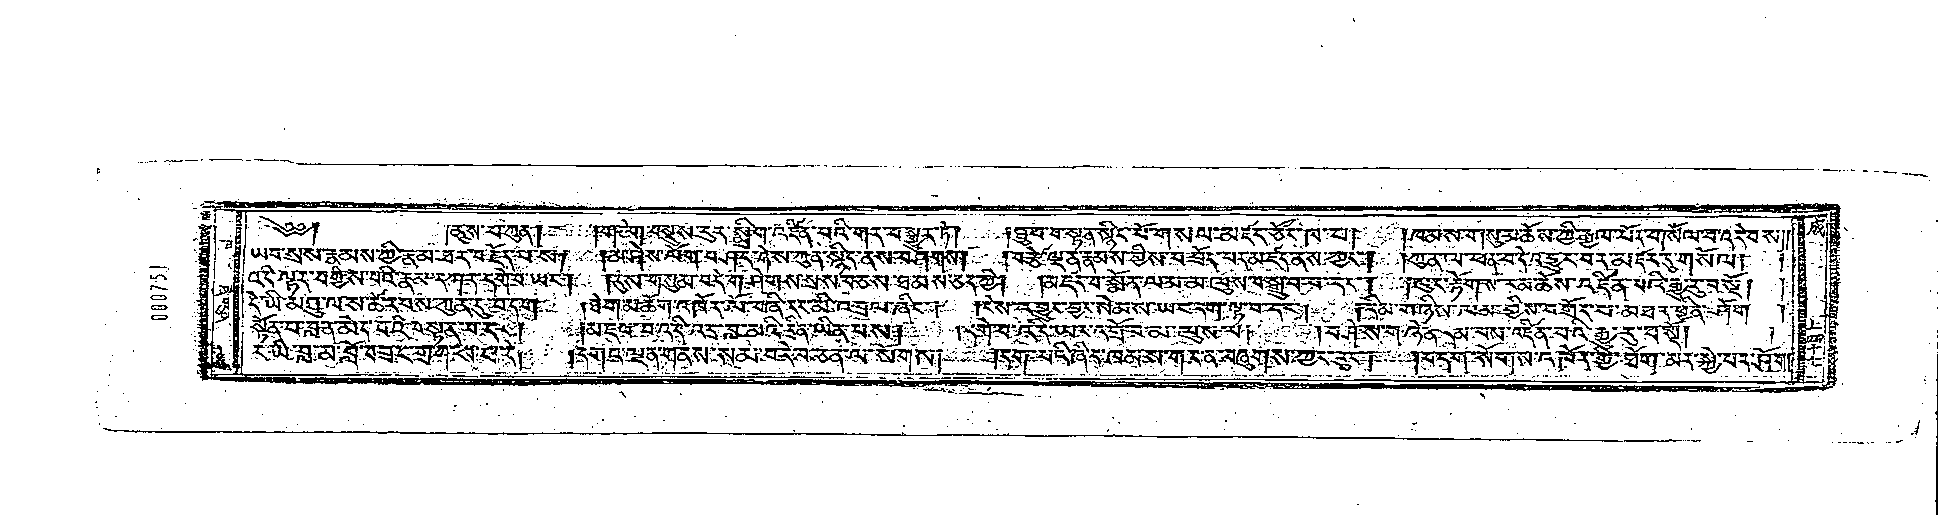༄༅། །ནུས་པ་ཀུན། །གཅིག་བསྡུས་ངུར་སྨྲིག་འཛིན་པའི་གར་བསྒྱུར་ཏེ། །ཐུབ་བསྟན་སྙིང་པོ་གསལ་མཛད་ཙོང་ཁ་པ། །ཁམས་གསུམ་ཆོས་ཀྱི་རྒྱལ་པོར་གསོལ་བ་འདེབས།།
ཡབ་སྲས་རྣམས་ཀྱི་རྣམ་ཐར་བརྗོད་པས། །མ་ཤེས་ལོག་བཤད་ཉེས་ཀུན་སྙིང་ནས་བཤགས། །བརྩེ་ལྡན་རྣམས་ཀྱིས་བཟོད་པར་མཛད་ནས་ཀྱང་། །ཀུན་ལ་ཕན་བདེ་འབྱུང་བར་མཛད་དུ་གསོལ། །
འདི་ལྟར་བགྱིས་པའི་རྣམ་དཀར་དགེ་བ་ཡང་། །དུས་གསུམ་བདེ་གཤེགས་སྲས་བཅས་ཐམས་ཅད་ཀྱི། །མཛད་པ་སྨོན་ལམ་མ་ལུས་བསྒྲུབ་པ་དང་། །ལུང་རྟོགས་དམ་ཆོས་འཛིན་པའི་རྒྱུ་རུ་བསྔོ། །
དེ་ཡི་མཐུ་ལས་ཚེ་རབས་ཀུན་དུ་བདག །ཐེག་མཆོག་འཁོར་ལོ་བཞི་དང་མི་འབྲལ་ཞིང་། །ངེས་འབྱུང་བྱང་སེམས་ཡང་དག་ལྟ་བ་དང་། །རིམ་གཉིས་ལམ་གྱིས་བགྲོད་པ་མཐར་ཕྱིན་ཤོག །
སྟོན་པ་བླ་ན་མེད་པའི་བསྟན་པ་དང་། །མཇལ་བ་འདི་འདྲ་བླ་མའི་དྲིན་ཡིན་པས། །དགེ་བ་འདི་ཡང་འགྲོ་བ་མ་ལུས་པ། །བཤེས་གཉེན་དམ་པས་འཛིན་པའི་རྒྱུ་རུ་བསྔོ། །
ང་ཡི་བླ་མ་བློ་བཟང་གྲགས་པ་རེ། །དགའ་ལྡན་གནས་སམ་བདེ་བ་ཅན་ལ་སོགས། །དག་པའི་ཞིང་ཁམས་གང་ན་བཞུགས་ཀྱང་རུང་། །བདག་སོགས་འཁོར་གྱི་ཐོག་མར་སྐྱེ་པར་ཤོག་